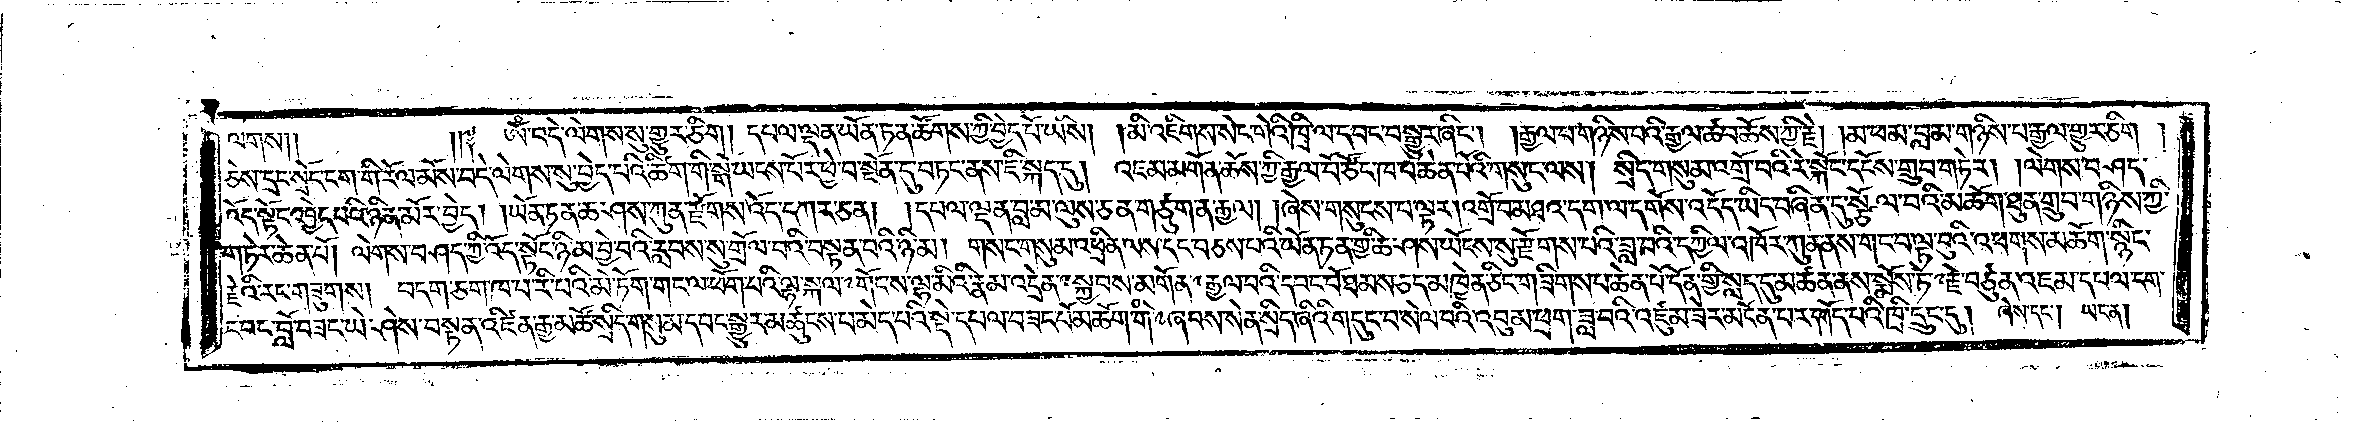ལགས།། ། ༈ ཨོཾ་བདེ་ལེགས་སུ་གྱུར་ཅིག །དཔལ་ལྡན་ཡོན་ཏན་ཚོགས་ཀྱི་བྱེད་པོ་ཡིས། །མི་འཇིགས་སེང་གེའི་ཁྲིལ་དབང་བསྒྱུར་ཞིང་། །རྒྱལ་བ་གཉིས་པའི་རྒྱལ་ཚབ་ཆོས་ཀྱི་རྗེ། །མ་ཕ་མ་བླ་མ་གཉིས་པ་རྒྱལ་གྱུར་ཅིག །
ཅེས་དྲང་སྲོང་ངག་གི་རོལ་མོས་བདེ་ལེགས་སུ་བྱེད་པའི་ཚིག་གི་སྒོ་ཡངས་པོར་ཕྱེ་བ་སྔོན་དུ་བཏང་ནས་ཇི་སྐད་དུ། འཇམ་མགོན་ཆོས་ཀྱི་རྒྱལ་པོ་ཙོང་ཁ་པ་ཆེན་པོའི་གསུང་ལས། སྲིད་གསུམ་འགྲོ་བའི་རེ་སྐོང་དངོས་གྲུབ་གཏེར། །ལེགས་བཤད་
འོད་སྟོང་འབྱེད་པའི་ཉིན་མོར་བྱེད། །ཡོན་ཏན་ཆ་ཤས་ཀུན་རྫོགས་འོད་དཀར་ཅན། །དཔལ་ལྡན་བླ་མ་ལུས་ཅན་གཙུག་ན་རྒྱལ། །ཞེས་གསུངས་པ་ལྟར། འགྲོ་བ་མཐའ་དག་ལ་དགོས་འདོད་ཡིད་བཞིན་དུ་སྩོལ་བའི་མཆོག་ཐུན་གྲུབ་གཉིས་ཀྱི་
གཏེར་ཆེན་པོ། ལེགས་བཤད་ཀྱི་འོད་སྟོང་ཉི་མ་བྱེ་བའི་རླབས་སུ་གྲོལ་བའི་བསྟན་པའི་ཉི་མ། གསང་གསུམ་འཕྲིན་ལས་དང་བཅས་པའི་ཡོན་ཏན་གྱི་ཆ་ཤས་ཡོངས་སུ་རྫོགས་པའི་ཟླ་བའི་དཀྱིལ་འཁོར་ཀུན་ནས་གང་བ་ལྟ་བུའི་འཕགས་མཆོག་སྙིང་
རྗེའི་རང་གཟུགས། བདག་ཅག་ཁ་པ་རི་པའི་མེ་ཏོག་གང་ལ་ཕོག་པའི་ལྷ་སྐལ ༧གོང་ས་ལྷ་མིའི་རྣམ་འདྲེན ༧སྐྱབས་མགོན ༧རྒྱལ་བའི་དབང་པོ་ཐམས་ཅད་མཁྱེན་ཅིང་གཟིགས་པ་ཆེན་པོ་དོན་གྱི་སླད་དུ་མཚན་ནས་སྨོས་ཏེ ༧རྗེ་བཙུན་འཇམ་དཔལ་ངག་
དབང་བློ་བཟང་ཡེ་ཤེས་བསྟན་འཛིན་རྒྱ་མཚོ་སྲིད་གསུམ་དབང་སྒྱུར་མཚུངས་པ་མེད་པའི་སྡེ་དཔལ་བཟང་པོ་མཆོག་གི ༧ཞབས་སེན་སྲིད་ཞིའི་གདུང་བ་སེལ་བའི་འབུམ་ཕྲག་ཟླ་བའི་འཛུམ་ཟེར་མངོན་པར་དགོད་པའི་ཁྲི་དྲུང་དུ། ཞེས་དང་། ཡང་ན།